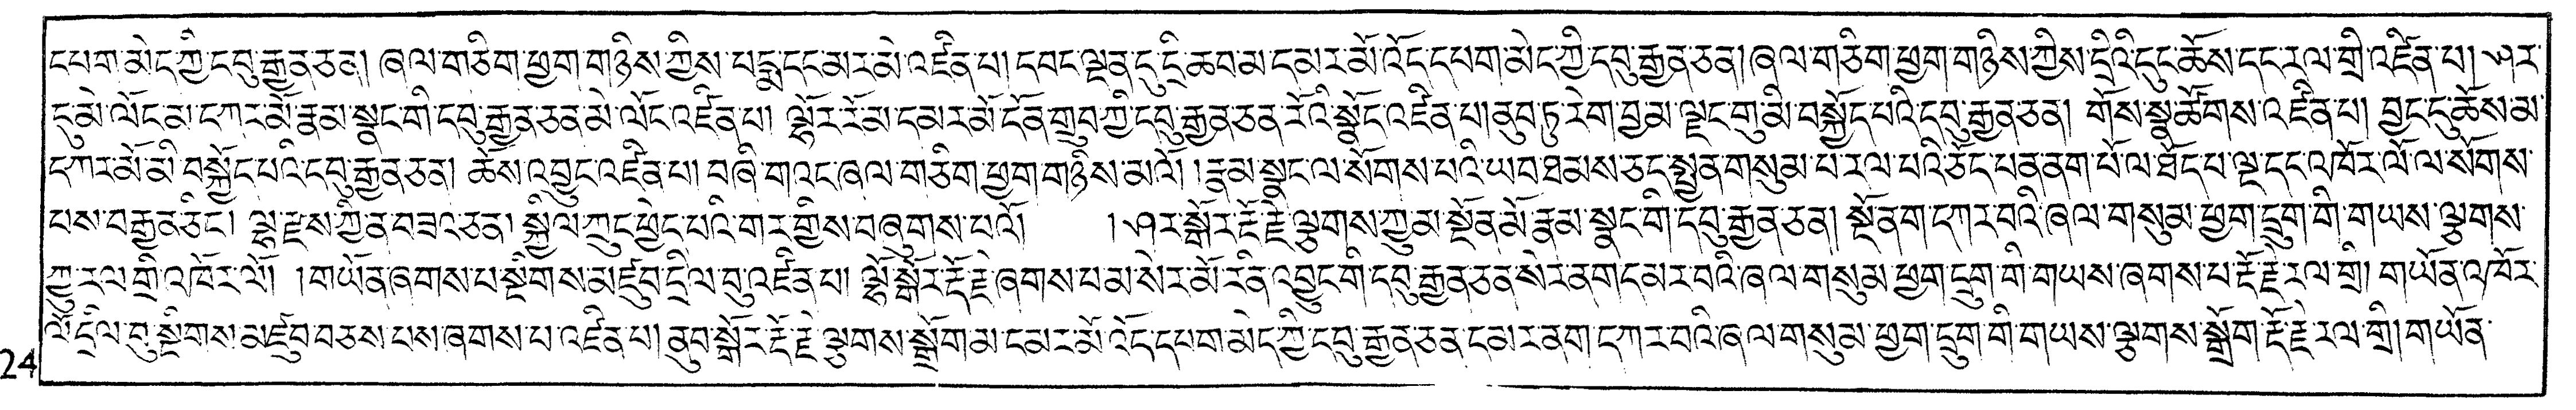དཔག་མེད་ཀྱི་དབུ་རྒྱན་ཅན། ཞལ་གཅིག་ཕྱག་གཉིས་ཀྱིས་པདམ་དང་མར་མེ་འཛིན་པ། དབང་ལྡན་དུ་དྲི་ཆབ་མ་དམར་མོ་འོད་དཔག་མེད་ཀྱི་དབུ་རྒྱན་ཅན། ཞལ་གཅིག་ཕྱག་གཉིས་ཀྱིས་དྲིའི་དུང་ཆོས་དང་རལ་གྲི་འཛིན་པ། ཤར་
དུ་མེ་ལོང་མ་དཀར་མོ་རྣམ་སྣང་གི་དབུ་རྒྱན་ཅན་མེ་ལོང་འཛིན་པ། ལྷོར་རོ་མ་དམར་མོ་དོན་གྲུབ་ཀྱི་དབུ་རྒྱན་ཅན་རོའི་སྣོད་འཛིན་པ། ནུབ་ཏུ་རེག་བྱ་མ་ལྗང་གུ་མི་བསྐྱོད་པའི་དབུ་རྒྱན་ཅན། གོས་སྣ་ཚོགས་འཛིན་པ། བྱང་དུ་ཆོས་མ་
དཀར་མོ་མི་བསྐྱོད་པའི་དབུ་རྒྱན་ཅན། ཆོས་འབྱུང་འཛིན་པ། བཞི་གའང་ཞལ་གཅིག་ཕྱག་གཉིས་མའོ། །རྣམ་སྣང་ལ་སོགས་པའི་ཡབ་ཐམས་ཅད་སྤྱན་གསུམ་པ་རལ་པའི་ཅོད་པན་ནག་པོ་ལ་ཐོད་པ་ལྔ་དང་འཁོར་ལོ་ལ་སོགས་
པས་བརྒྱན་ཅིང་། ལྷ་རྫས་ཀྱི་ན་བཟའ་ཅན། སྐྱིལ་ཀྲུང་ཕྱེད་པའི་གར་གྱིས་བཞུགས་པའོ། །ཤར་སྒོར་རྡོ་རྗེ་ལྕགས་ཀྱུ་མ་སྔོན་མོ་རྣམ་སྣང་གི་དབུ་རྒྱན་ཅན། སྔོན་ག་དཀར་བའི་ཞལ་གསུམ་ཕྱག་དྲུག་གི་གཡས་ལྕགས་
ཀྱུ་རལ་གྲི་འཁོར་ལོ། །གཡོན་ཞགས་པ་སྡིགས་མཛུབ་དྲིལ་བུ་འཛིན་པ། ལྷོ་སྒོར་རྡོ་རྗེ་ཞགས་པ་མ་སེར་མོ་རིན་འབྱུང་གི་དབུ་རྒྱན་ཅན་སེར་ནག་དམར་བའི་ཞལ་གསུམ་ཕྱག་དྲུག་གི་གཡས་ཞགས་པ་རྡོ་རྗེ་རལ་གྲི། གཡོན་འཁོར་
ལོ་དྲིལ་བུ་སྡིགས་མཛུབ་བཅས་པས་ཞགས་པ་འཛིན་པ། ནུབ་སྒོར་རྡོ་རྗེ་ལྕགས་སྒྲོག་མ་དམར་མོ་འོད་དཔག་མེད་ཀྱི་དབུ་རྒྱན་ཅན་དམར་ནག་དཀར་བའི་ཞལ་གསུམ་ཕྱག་དྲུག་གི་གཡས་ལྕགས་སྒྲོག་རྡོ་རྗེ་རལ་གྲི། གཡོན་